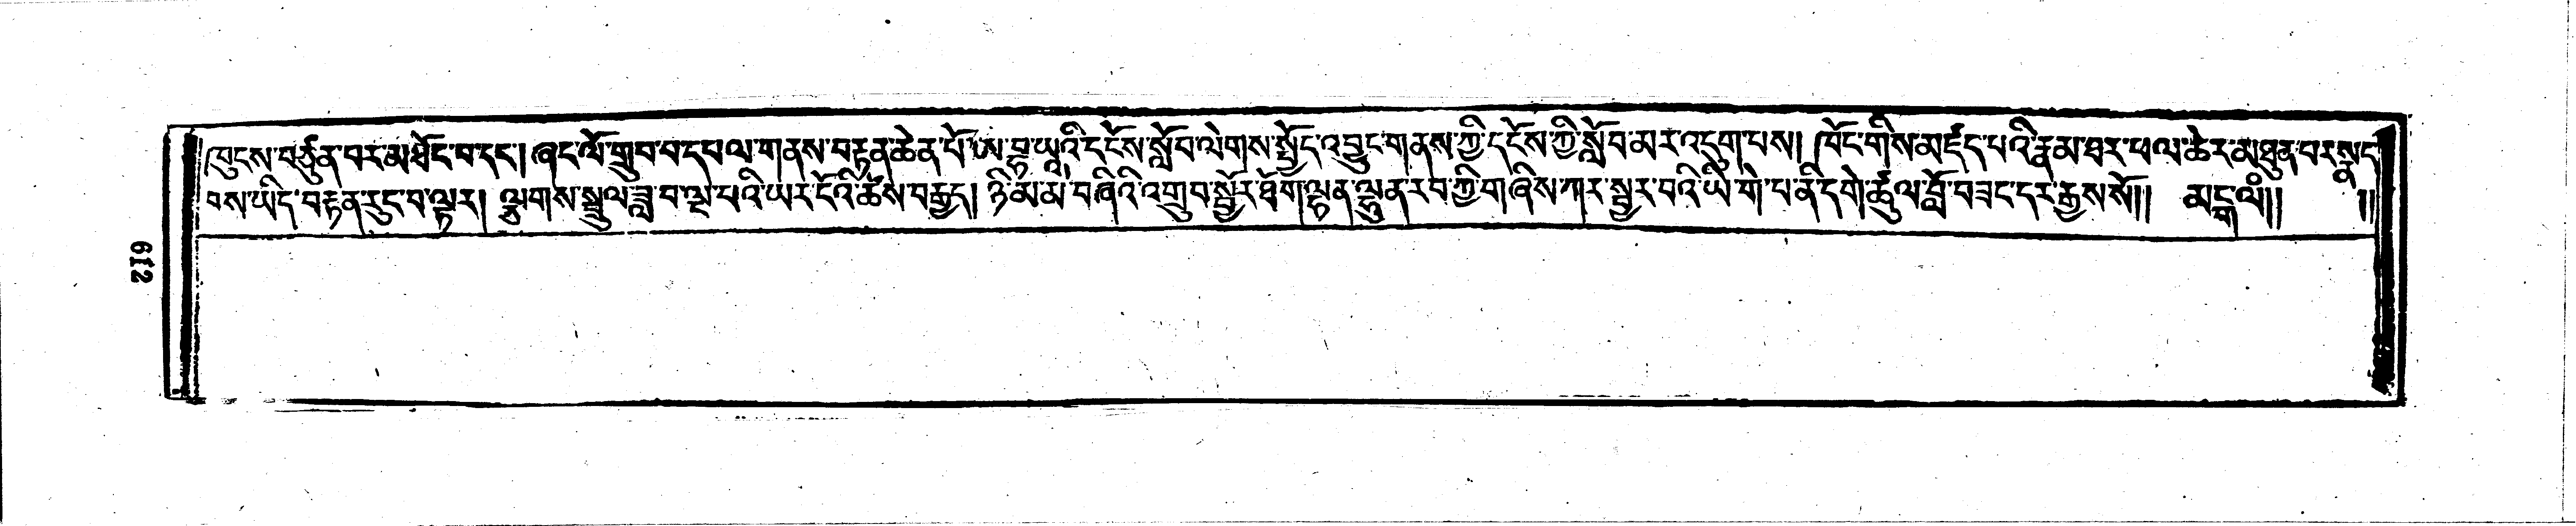ཁུངས་བཙུན་པར་མཐོང་བ་དང་། ཞང་ལོ་གྲུབ་པ་དཔལ་གནས་བརྟན་ཆེན་པོ་ཨ་བྷ་ཡཱའི་དངོས་སློབ་ལེགས་སྤྱོད་འབྱུང་གནས་ཀྱི་དངོས་ཀྱི་སློབ་མར་འདུག་པས། ཁོང་གིས་མཛད་པའི་རྣམ་ཐར་ཕལ་ཆེར་མཐུན་པར་སྣང་
བས་ཡིད་བརྟན་རུང་བ་ལྟར། ལྕགས་སྦྲུལ་ཟླ་བ་ལྔ་པའི་ཡར་ངོའི་ཚེས་བརྒྱད། ཉི་མ་མེ་བཞིའི་འགྲུབ་སྦྱོར་ཐོག་ལྷན་ལྷུན་རབ་ཀྱི་གཞིས་ཀར་སྦྱར་བའི་ཡི་གེ་པ་ནི་དགེ་ཚུལ་བློ་བཟང་དར་རྒྱས་སོ།། མངྒ་ལཾ།།